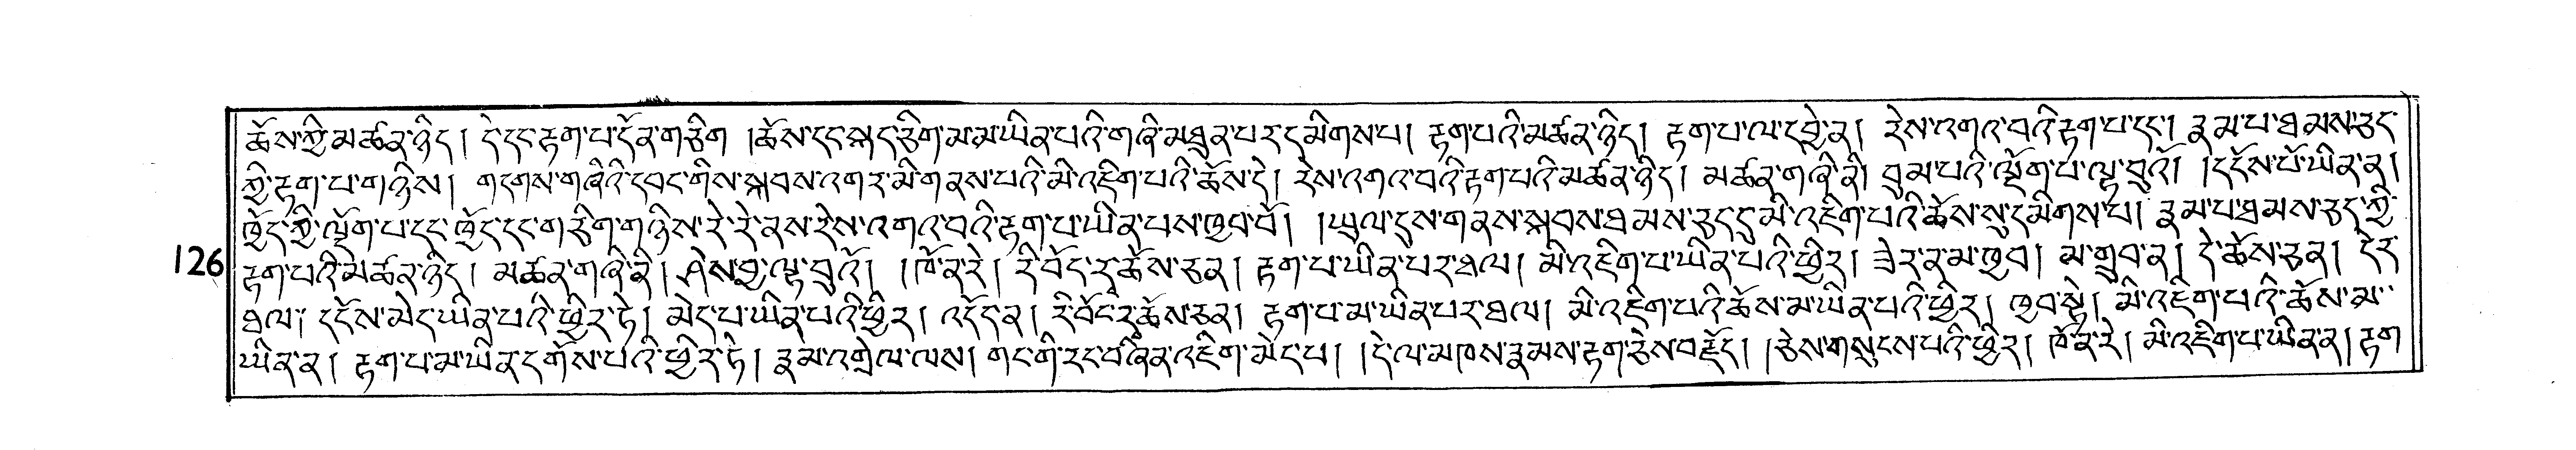ཆོས་ཀྱི་མཚན་ཉིད། དེ་དང་རྟག་པ་དོན་གཅིག །ཆོས་དང་སྐད་ཅིག་མ་མ་ཡིན་པའི་གཞི་མཐུན་པར་དམིགས་པ། རྟག་པའི་མཚན་ཉིད། རྟག་པ་ལ་དབྱེ་ན། རེས་འགའ་བའི་རྟག་པ་དང་། རྣམ་པ་ཐམས་ཅད་
ཀྱི་རྟག་པ་གཉིས། གདགས་གཞིའི་དབང་གིས་སྐབས་འགར་མི་གནས་པའི་མི་འཇིག་པའི་ཆོས་དེ། རེས་འགའ་བའི་རྟག་པའི་མཚན་ཉིད། མཚན་གཞི་ནི། བུམ་པའི་ལྡོག་པ་ལྟ་བུའོ། །དངོས་པོ་ཡིན་ན།
ཁྱོད་ཀྱི་ལྡོག་པ་དང་ཁྱོད་དང་གཅིག་གཉིས་རེ་རེ་ནས་རེས་འགའ་བའི་རྟག་པ་ཡིན་པས་ཁྱབ་བོ། །ཡུལ་དུས་གནས་སྐབས་ཐམས་ཅད་དུ་མི་འཇིག་པའི་ཆོས་སུ་དམིགས་པ། རྣམ་པ་ཐམས་ཅད་ཀྱི་
རྟག་པའི་མཚན་ཉིད། མཚན་གཞི་ནི། ཤེས་བྱ་ལྟ་བུའོ། །ཁོ་ན་རེ། རི་བོང་རྭ་ཆོས་ཅན། རྟག་པ་ཡིན་པར་ཐལ། མི་འཇིག་པ་ཡིན་པའི་ཕྱིར། ཟེར་ན་མ་ཁྱབ། མ་གྲུབ་ན། དེ་ཆོས་ཅན། དེར་ཐལ༑
དངོས་མེད་ཡིན་པའི་ཕྱིར་ཏེ། མེད་པ་ཡིན་པའི་ཕྱིར། འདོད་ན། རི་བོང་རྭ་ཆོས་ཅན། རྟག་པ་མ་ཡིན་པར་ཐལ། མི་འཇིག་པའི་ཆོས་མ་ཡིན་པའི་ཕྱིར། ཁྱབ་སྟེ། མི་འཇིག་པའི་ཆོས་མ་
ཡིན་ན། རྟག་པ་མ་ཡིན་དགོས་པའི་ཕྱིར་ཏེ། རྣམ་འགྲེལ་ལས། གང་གི་རང་བཞིན་འཇིག་མེད་པ། །དེ་ལ་མཁས་རྣམས་རྟག་ཅེས་བརྗོད། །ཅེས་གསུངས་པའི་ཕྱིར། ཁོ་ན་རེ། མི་འཇིག་པ་ཡིན་ན། རྟག་